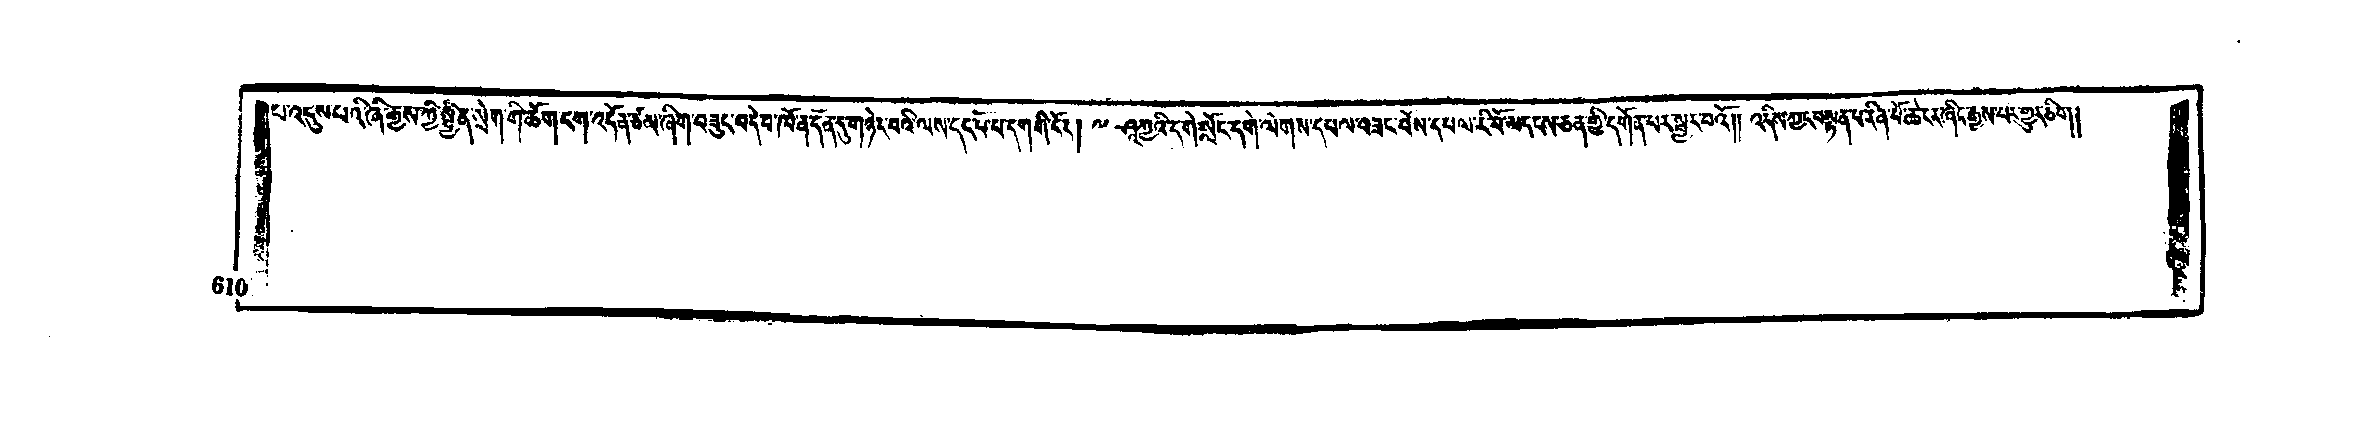པ་འདུས་པའི་ཞི་རྒྱས་ཀྱི་སྦྱིན་སྲེག་གི་ཆོ་ག་ངག་འདོདན་ཙམ་ཞིག་བཟུང་བདེ་བ་ཁོ་ན་དོན་དུ་གཉེར་བའི་ལས་དང་པོ་པ་དག་གི་ངོར་༈ཤྰྐྱའི་དགེ་སློང་དགེ་ལེགས་དཔལ་བཟང་བོས་དཔལ་རི་བོ་མདངས་ཅན་གྱི་དགོན་པར་སྦྱར་བའོ། །འདིས་ཀྱང་བསྟན་པ་རིན་པོ་ཆེ་དར་ཞིང་རྒྱས་པར་གྱུར་ཅིག། །